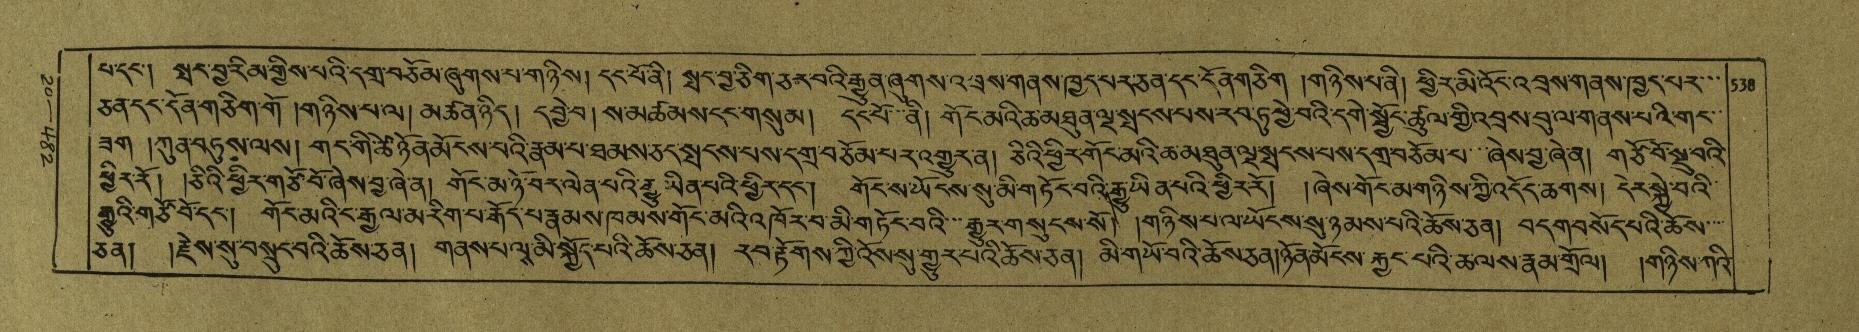པ་དང་། སྤང་བྱ་རིམ་གྱིས་པའི་དགྲ་བཅོམ་ཞུགས་པ་གཉིས། དང་པོ་ནི། སྤང་བྱ་ཅིག་ཅར་བའི་རྒྱུན་ཞུགས་འབྲས་གནས་ཁྱད་པར་ཅན་དང་དོན་གཅིག །གཉིས་པ་ནི། ཕྱིར་མི་འོང་འབྲས་གནས་ཁྱད་པར་
ཅན་དང་དོན་གཅིག་གོ །གཉིས་པ་ལ། མཚན་ཉིད། དབྱེ་བ། ས་མཚམས་དང་གསུམ། དང་པོ་ནི། གོང་མའི་ཆ་མཐུན་ལྔ་སྤངས་པས་རབ་ཏུ་ཕྱེ་བའི་དགེ་སྦྱོང་ཚུལ་གྱི་འབྲས་བུ་ལ་གནས་པའི་གང་
ཟག །ཀུན་བཏུས་ལས། གང་གི་ཚེ་ཉོན་མོངས་པའི་རྣམ་པ་ཐམས་ཅད་སྤངས་པས་དགྲ་བཅོམ་པར་འགྱུར་ན། ཅིའི་ཕྱིར་གོང་མའི་ཆ་མཐུན་ལྔ་སྤངས་པས་དགྲ་བཅོམ་པ་ཞེས་བྱ་ཞེ་ན། གཙོ་བོ་སྡུ་བའི་
ཕྱིར་རོ། །ཅིའི་ཕྱིར་གཙོ་བོ་ཞེས་བྱ་ཞེ་ན། གོང་མ་ཉོ་བར་ལེན་པའི་རྒྱུ་ཡིན་པའི་ཕྱིར་དང་། གོང་ས་ཡོངས་སུ་མི་གཏོང་བའི་རྒྱུ་ཡིན་པའི་ཕྱིར་རོ། །ཞེས་གོང་མ་གཉིས་ཀྱི་འདོད་ཆགས། དེར་སྐྱེ་བའི་
རྒྱུའི་གཙོ་བོ་དང་། གོང་མའི་ང་རྒྱལ་མ་རིག་པ་རྒོད་པ་རྣམས་ཁམས་གོང་མའི་འཁོར་བ་མི་གཏོང་བའི་རྒྱུར་གསུངས་སོ། །གཉིས་པ་ལ་ཡོངས་སུ་ཉམས་པའི་ཆོས་ཅན། བདག་བསོད་པའི་ཆོས་
ཅན། །རྗེས་སུ་བསྲུང་བའི་ཆོས་ཅན། གནས་པ་ལས་མི་སྐྱོད་པའི་ཆོས་ཅན། རབ་རྟོགས་ཀྱི་འོས་སུ་གྱུར་པའི་ཆོས་ཅན། མི་གཡོ་བའི་ཆོས་ཅན། ཉོན་མོངས་རྐྱང་པའི་ཆ་ལས་རྣམ་གྲོལ། །གཉིས་ཀའི་